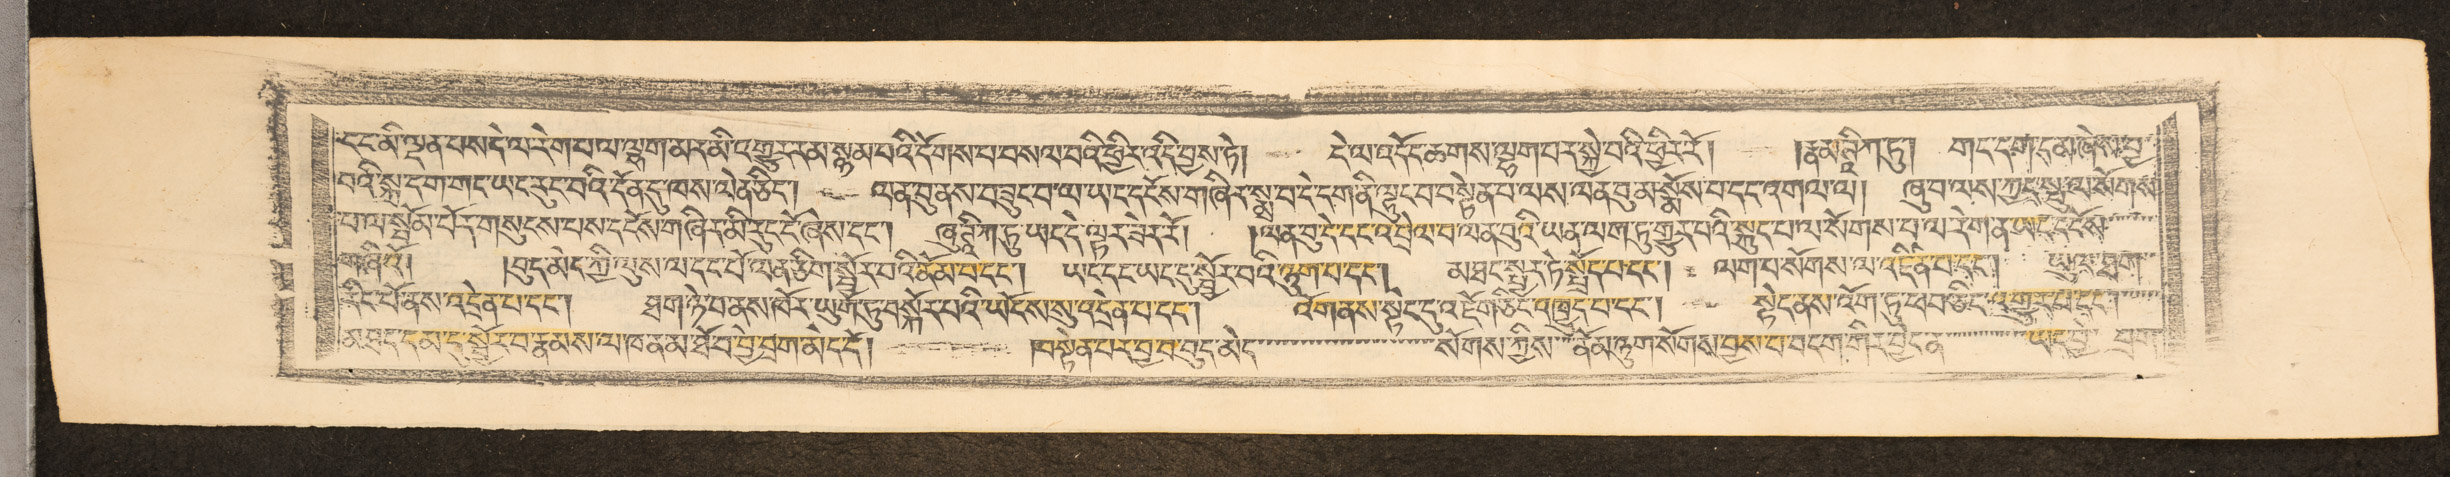དང་མི་ལྡན་པས་དེ་ལ་རེག་པ་ལ་ལྷག་མར་མི་འགྱུར་རམ་སྙམ་པའི་དོགས་པ་བསལ་བའི་ཕྱིར་འདི་བྱས་ཏེ། དེ་ལ་འདོད་ཆགས་ལྷག་པར་སྐྱེ་བའི་ཕྱིར་རོ། །རྣམ་ཊཱིཀ་ཏུ། གང་དག་དམ་ཞེས་བྱ་
བའི་སྐྲ་དག་གང་ཡང་རུང་བའི་དོན་དུ་ཁས་ལེན་ཅིང་། ལན་བུ་ནས་བཟུང་བ་ལ་ཡང་དངོས་གཞིར་སྨྲ་བ་དེ་དག་ནི་ལྟུང་བ་བསྟེན་པ་ལས་ལན་བུ་མ་སྨོས་པ་དང་འགལ་ལ། ཞུབ་ལས་ཀྱང་སྤུ་ལ་སོགས་
པ་ལ་སྦོམ་པོར་གསུངས་པས་དངོས་གཞིར་མི་རུང་ངོ་ཞེས་དང་། ཞུ་ཊཱིཀ་ཏུ་ཡང་དེ་ལྟར་ཟེར་རོ། །ལན་བུ་དེ་དང་འབྲེལ་བ་ལན་བུའི་ཡན་ལག་ཏུ་གྱུར་པའི་སྐུད་པ་ལ་སོགས་པ་ལ་རེག་ན་ཡང་དངོས་
གཞིའོ། །བུད་མེད་ཀྱི་ལུས་ལ་དང་པོ་ལན་ཅིག་སྦྱོར་བའི་ནོམ་པ་དང་། ཡང་དང་ཡང་དུ་སྦྱོར་བའི་ཉུག་པ་དང་། མཐང་སྦྱར་ཏེ་སྤྲོད་པ་དང་། ལག་པ་སོགས་ལ་འཛིན་པ་དང་། ཡུལ་ཐག་
རིང་པོ་ནས་འདྲེན་པ་དང་། ཐག་ཉེ་བ་ནས་ཁོར་ཡུག་ཏུ་བསྐོར་བའི་ཡོངས་སུ་འདྲེན་པ་དང་། འོག་ནས་སྟེང་དུ་འཇོག་ཅིང་འཁྱུད་པ་དང་། སྟེང་ནས་འོག་ཏུ་ཕབ་ཅིང་འགྱུར་པ་དང་།
མཐང་དམ་དུ་སྦྱོར་བ་རྣམས་ལ་ཁ་ན་མ་ཐོ་བ་བྱེ་བྲག་མེད་དོ། །བསྟེན་པར་བྱ་བ་བུད་མེད་སོགས་ཀྱིས་ནོམ་ཉུག་སོགས་བྱས་པ་བདག་གིར་བྱེད་ན་ཡང་བྱེ་བྲག་